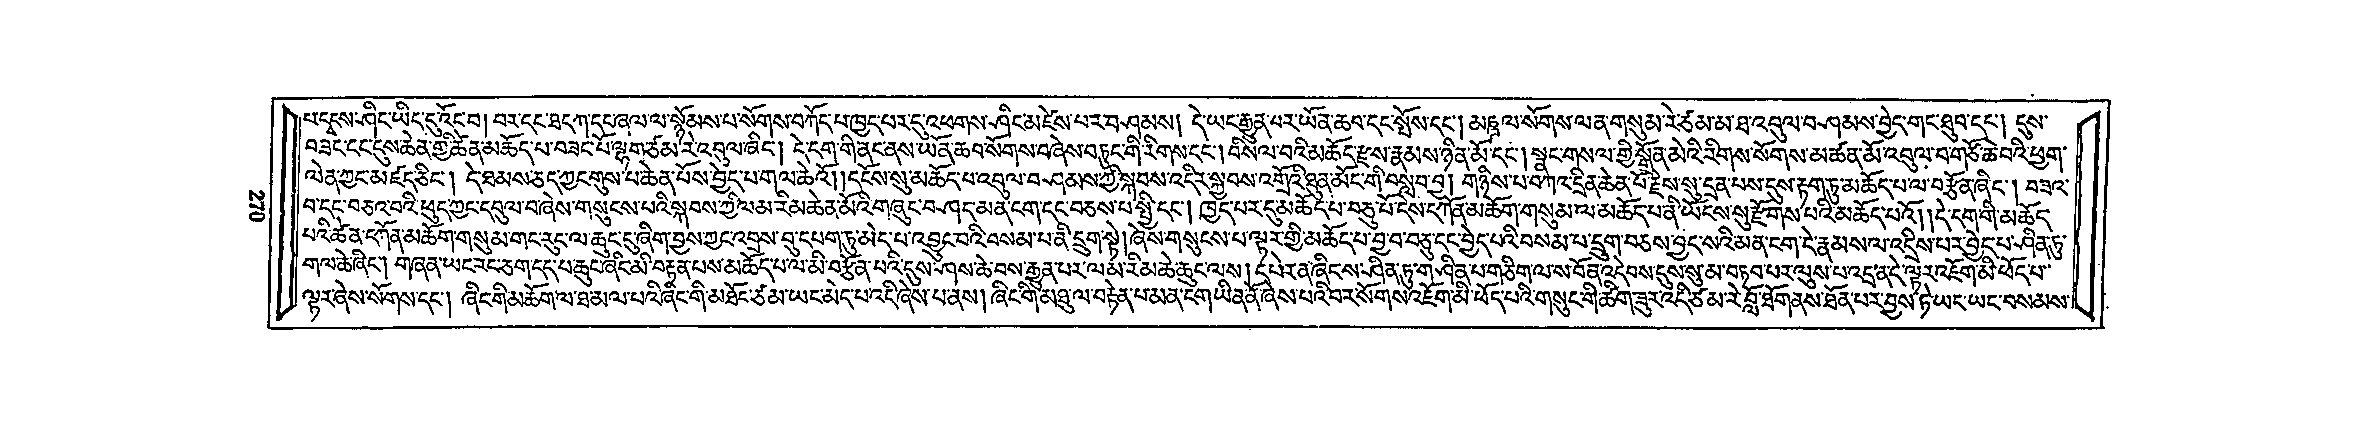པ་དྭངས་ཤིང་ཡིད་དུ་འོང་བ། བར་དང་ཐད་ཀ་དང་ཞལ་ལ་སྙོམས་པ་སོགས་བཀོད་པ་ཁྱད་པར་དུ་འཕགས་ཤིང་མཛེས་པར་བཤམས། དེ་ཡང་རྒྱུན་པར་ཡོན་ཆབ་དང་སྤོས་དང་། མཎྜལ་སོགས་ལན་གསུམ་རེ་ཙམ་མ་ཐ་འབུལ་བཤམས་བྱེད་གང་ཐུབ་དང་། དུས་
བཟང་ངང་དུས་ཆེན་གྱི་ཚེན་མཆོད་པ་བཟང་པོ་ལྷག་ཙམ་རེ་འབུལ་ཞིང་། དེ་དག་གི་ནང་ནས་ཡོན་ཆབ་སོགས་བཞེས་བཏུང་གི་རིགས་དང་། བསིལ་བའི་མཆོད་རྫས་རྣམས་ཉིན་མོ་དང་། སྣང་གསལ་གྱི་སྒྲོན་མེའི་རིགས་སོགས་མཚན་མོ་འབུལ་བ་གཙོ་ཆེ་བའི་ཕྱག་
ལེན་ཀྱང་མཛད་ཅིང་། དེ་ཐམས་ཅད་ཀྱང་གུས་པ་ཆེན་པོས་བྱེད་པ་གལ་ཆེའོ། །དངོས་སུ་མཆོད་པ་འབུལ་བཤམས་ཀྱི་སྐབས་འདིར་སྐྱབས་འགྲོའི་ཐུན་མོང་གི་བསླབ་བྱ། གཉིས་པ་བཀའ་དྲིན་ཆེན་པོ་རྗེས་སུ་དྲན་པས་དུས་རྟག་ཏུ་མཆོད་པ་ལ་བརྩོན་ཞིང་། བཟའ་བ་དང་བཅའ་བའི་ཕུད་ཀྱང་དབུལ་བ་ཞེས་གསུངས་པའི་སྐབས་ཀྱི་ལམ་རིམ་ཆེན་མོའི་གཞུང་བཤད་མན་ངག་དང་བཅས་པ་སྤྱི་དང་། ཁྱད་པར་དུ་མཆོད་པ་བཅུ་པོ་དེས་དཀོན་མཆོག་གསུམ་ལ་མཆོད་པ་ནི་ཡོངས་སུ་རྫོགས་པའི་མཆོད་པའོ། །དེ་དག་གི་མཆོད་
པའི་ཚེ་ན་དཀོན་མཆོག་གསུམ་གང་རུང་ལ་ཆུང་ངུ་ཞིག་བྱས་ཀྱང་འབྲས་བུ་དཔག་ཏུ་མེད་པ་འབྱུང་བའི་བསམ་པ་ནི་དྲུག་སྟེ། ཞེས་གསུངས་པ་ལྟར་གྱི་མཆོད་པ་བྱ་བ་བཅུ་དང་བྱེད་པའི་བསམ་པ་དྲུག་བཅས་བྱད་སའི་མན་ངག་དེ་རྣམས་ལ་འདྲིས་པར་བྱེད་པ་ཤིན་ཏུ་
གལ་ཆེ་ཞིང་། གཞན་ཡང་རང་ཅག་དད་པ་ཆུང་ཞིང་མི་བརྟན་པས་མཆོད་པ་ལ་མི་བརྩོན་པའི་དུས་ཤས་ཆེ་བས་རྒྱུན་པར་ལམ་རིམ་ཆེ་ཆུང་ལས། དཔེར་ན་ཞིང་ས་ཤིན་ཏུ་གཤིན་པ་གཅིག་ལ་ས་བོན་འདེབས་དུས་སུ་མ་བཏབ་པར་ལུས་པ་འདྲ་ན་དེ་ལྟར་འཇོག་མི་ཕོད་པ་
ལྟར་ཞེས་སོགས་དང་། ཞིང་གི་མཆོག་ལ་ཐ་མལ་པའི་ཞིང་གི་མཐོང་ཙམ་ཡང་མེད་པ་འདི་ཞེས་པ་ནས། ཞིང་གི་མཐུ་ལ་བརྟེན་པ་མན་ངག་ཡིན་ནོ་ཞེས་པའི་བར་སོགས་འཇོག་མི་ཕོད་པའི་གསུང་གི་ཚིག་ཟུར་འདི་ཙམ་རེ་བློ་ཐོག་ནས་ཐོན་པར་བྱས་ཏེ་ཡང་ཡང་བསམས་